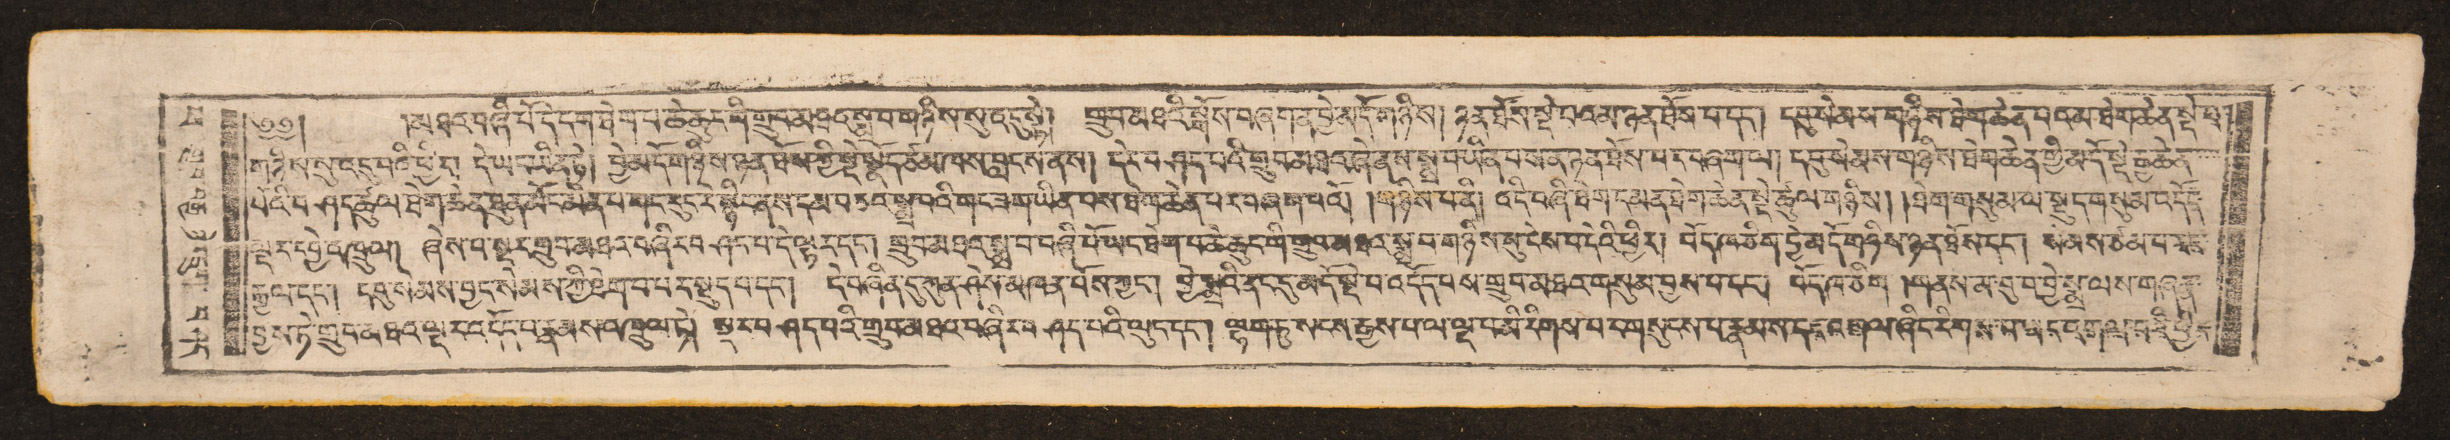༄༅། །མཐའ་བཞི་པོ་དེ་དག་ཐེག་པ་ཆེ་ཆུང་གི་གྲུབ་མཐའ་སྨྲ་བ་གཉིས་སུ་འདུ་སྟེ། གྲུབ་མཐའི་སྒོས་བཞག་ན་བྱེ་མདོ་གཉིས། ཉན་ཐོས་སྡེ་པའམ་ཉན་ཐོས་པ་དང་། དབུ་སེམས་གཉིས་ཐེག་ཆེན་པང་མ་ཐེག་ཆེན་སྡེ་པ་
གཉིས་སུ་འདུ་བའི་ཕྱིར། དེ་ཡང་ཡིན་ཏེ། བྱེ་མདོ་གཉིས་ཉན་ཐོས་ཀྱི་སྡེ་སྣོད་ཙམ་ཁས་བླངས་ནས། དེར་བཤད་པའི་གྲུབ་མཐའ་ཞེ་ནས་སྨྲ་བ་ཡིན་པས་ན་ཉན་ཐོས་པར་བཞག་ལ། དབུ་སེམས་གཉིས་ཐེག་ཆེན་གྱི་མདོ་སྡེ་རྒྱ་ཆེན་
པོའི་བཤད་ཚུལ་ཐེག་ཆེན་ཐུན་མོང་མིན་པ་གང་རུང་རེ་སྙིང་ནས་དམ་བཅའ་སྨྲ་བའི་གང་ཟག་ཡིན་པས་ཐེག་ཆེན་པར་བཞག་པའོ། །གཉིས་པ་ནི། འདི་བཞི་ཐེག་དམན་ཐེག་ཆེན་སྡེ་ཚུལ་གཉིས། །ཐེག་གསུམ་ལ་སྡུད་གསུམ་འདོད་
ལྔར་དབྱེ་འཁྲུལ། ཞེས་པ་སྔར་གྲུབ་མཐའ་བཞིར་བཤད་པ་དེ་ལྟར་དང་། གྲུབ་མཐའ་སྨྲ་བ་བཞི་པོ་ཡང་ཐེག་པ་ཆེ་ཆུང་གི་གྲུབ་མཐའ་སྨྲ་བ་གཉིས་སུ་ངེས་པ་དེའི་ཕྱིར། བོད་ཁ་ཅིག་བྱེ་མདོ་གཉིས་ཉན་ཐོས་དང་། སེམས་ཙམ་པ་རང་
རྒྱལ་དང་། དབུ་སེམས་བྱང་སེམས་ཀྱི་ཐེག་པ་པར་སྡུད་པ་དང་། དེ་བཞིན་དུ་ཀུན་ཤེས་མཁན་པོས་ཀྱང་། བྱེ་སྨྲའི་ནང་དུ་མདོ་སྡེ་བ་འདོད་པས་གྲུབ་མཐའ་གསུམ་བྱས་པ་དང་། བོད་ཁ་ཅིག །གནས་མ་བུ་པ་བྱེ་སྨྲ་ལས་གཞན་
བྱས་ཏེ་གྲུབ་མཐའ་ལྔར་འདོད་པ་རྣམས་འཁྲུལ་ཏེ། སྔར་བཤད་པའི་གྲུབ་མཐའ་བཞིར་བཤད་པའི་ལུང་དང་། ལྷག་ཏུ་སངས་རྒྱས་པ་ལ་ལྔ་པ་མི་རིགས་པར་གསུངས་པ་རྣམས་དང་འགལ་ཞིང་རིགས་པ་ཡང་འགལ་བའི་ཕྱིར་